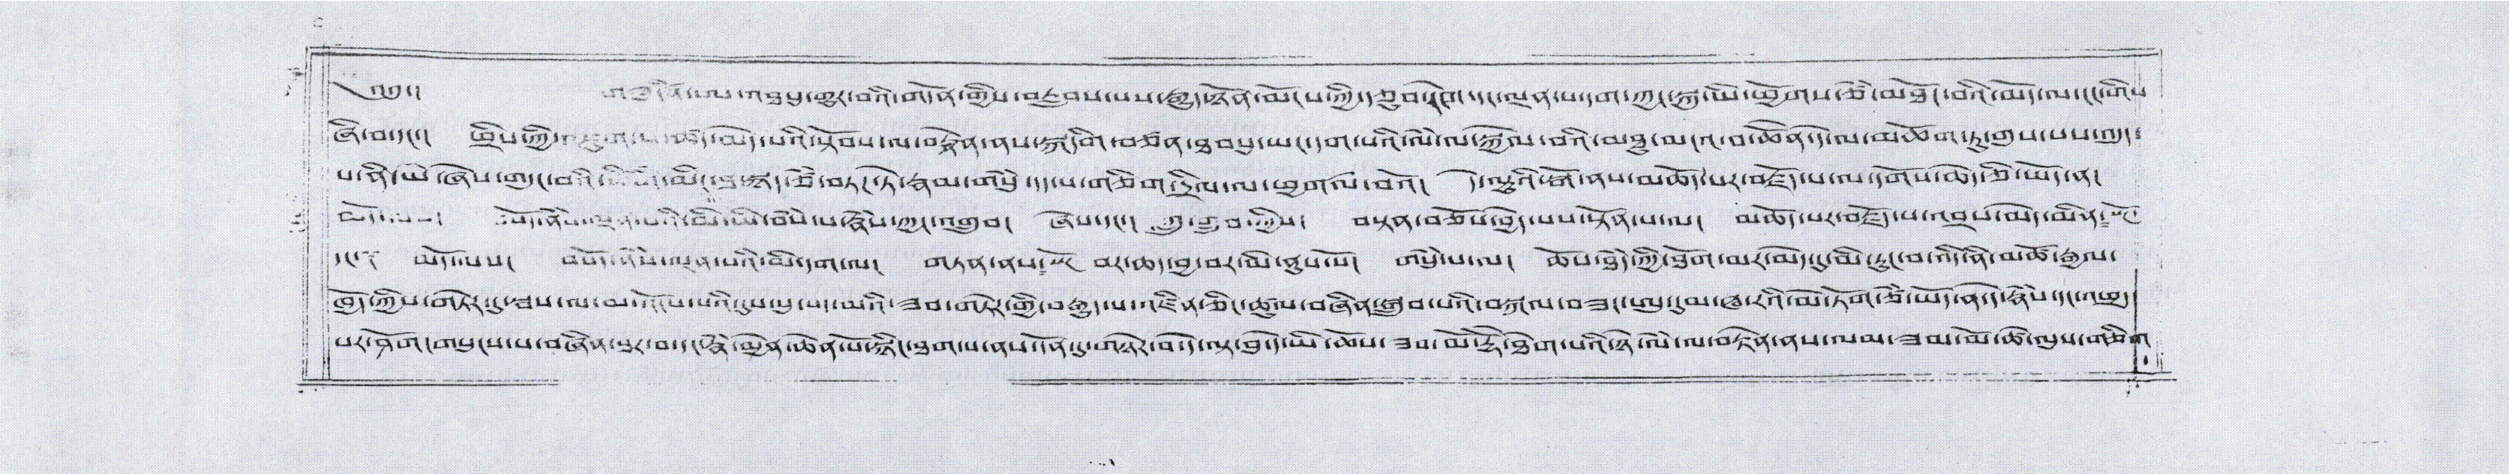གཟུང་འཛིན་ཨ་འཐས་སུ་གྱུར་པའི་གདོན་གྱིས་བརླབས་པས་རྒྱུད་ཉོན་མོངས་ཀྱི་རྩུབ་རེག་དང་ལྡན་པ་དག་ཀྱང་སྐུ་ཡི་ཕྱོགས་ཙམ་མཐོང་བའི་མོད་ལ་ངང་གིས་
ཞི་བ་དང་། འཕྲིན་ལས་ཀྱི་འཇུག་པ་ཚད་མེད་པའི་སྟོབས་ལ་བརྟེན་ནས་སྐད་ཅིག་བཙན་ཐབས་སུ་ཡང་དག་པའི་ལམ་ལ་སྐྱེལ་བའི་མཐུ་མངའ་བ་ཆེན་པོ་དེ་ལ་མཆོག་ཏུ་གུས་པས་འདུད་
པ་ནི་ཡེ་ཞེས་གདུང་པའི་ཡི་གེ་མིང་ཐ་སྙད་ཙམ་བཏགས་ཏེ་རྣམ་གསུམ་དད་པ་གཅིག་དྲིལ་ལ་ཕྱག་འཚལ་བའོ། དེ་ལྟ་བུའི་སྒོ་ནས་མཆོད་པར་བརྗོད་པ་ལ་དགོས་ཆེད་ཅི་ཡོད་ཅེ་ན། 
མདོ་ལས། བསོད་ནམས་ལྡན་པའི་མི་ཡི་བསམ་པ་རྣམས་ཀྱང་འགྲུབ། ཞེས་དང་། ཀླུ་གྲུབ་ཀྱིས། བསྟན་བཅོས་བྱེད་པས་སྟོན་པ་ལ། མཆོད་པར་བརྗོད་པ་འབྲས་མེད་མིན། སོགས་
དང་། མདོ་ལས། བསོད་ནམས་ལྡན་པའི་མི་དག་ལ། གཏན་ནས་སོགས་བར་ཆད་བྱ་བར་མི་ནུས་སོ། གསུམ་པ་ལ། ཆོས་ཐམས་ཅད་ཀྱི་ཐོག་མར་མེད་དུ་མི་རུང་བ་འདི་ནི་མཚོ་རྒྱལ་
ཁྱོད་ཀྱིས་གཏེར་དུ་སྦས་ལ་མ་འོངས་པའི་དུས་སུ་པད་མའི་ཟབ་གཏེར་གྱི་རྒྱུད་པ་འཛིན་ཅིང་ཚུལ་བཞིན་བསྒྲུབ་པའི་སྐལ་བཟང་ཨུ་དུམ་ཝ་རའི་མེ་ཏོག་ཙམ་ཡོད་ན་དེ་རྣམས་དང་འཕྲད་
པར་ཤོག་གསུངས་པ་བཞིན་ཐར་པ་དང་རྣམ་མཁྱེན་ཆེན་པོ་སྙིང་ཐག་པ་ནས་དོན་དུ་གཉེར་བ་དེ་ལྟ་བུ་དེ་ཡི་ཆོས་ཟབ་མོ་རྡོ་རྗེ་ཐེག་པའི་ཉེ་ལམ་ལ་བརྟེན་ནས་ལམ་ཟབ་མོ་ཚེ་ལུས་གཅིག་